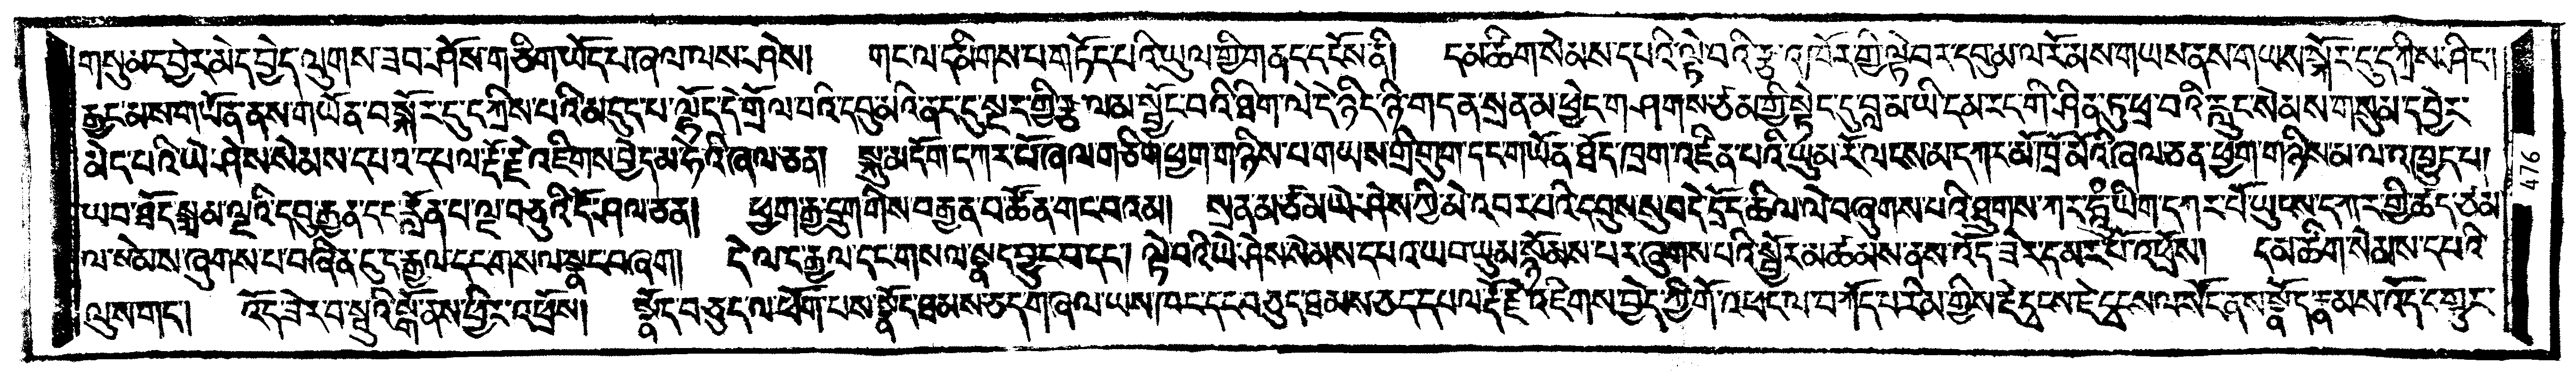གསུམ་དབྱེར་མེད་བྱེད་ལུགས་ཟབ་ཤོས་གཅིག་ཡོད་པ་ཞལ་ལས་ཤེས། གང་ལ་དམིགས་པ་གཏོད་པའི་ཡུལ་གྱི་གནད་དངོས་ནི། དམ་ཚིག་སེམས་དཔའི་ལྟེ་བའི་རྩ་འཁོར་གྱི་ལྟེ་བར་དབུ་མ་ལ་རོ་མས་གཡས་ནས་གཡས་སྐོར་དུ་དཀྲིས་ཤིང་།
རྒྱང་མས་གཡོན་ནས་གཡོན་བསྐོར་དུ་དཀྲིས་པའི་མདུད་པ་ལྷོད་དེ་གྲོལ་བའི་དབུ་མའི་ནང་དུ་སྔར་གྱི་རྩ་ལམ་སྦྱོང་བའི་ཐིག་ལེ་དེ་ཉིད་ཉི་གདན་སྲན་མ་ཕྱེད་གཤགས་ཙམ་གྱི་སྟེང་དུ་བླ་མ་ཡི་དམ་རང་གི་ཤིན་ཏུ་ཕྲ་བའི་རླུང་སེམས་གསུམ་དབྱེར་
མེད་པའི་ཡེ་ཤེས་སེམས་དཔའ་དཔལ་རྡོ་རྗེ་འཇིགས་བྱེད་མ་ཧེའི་ཞལ་ཅན། སྐུ་མདོག་དཀར་པོ་ཞལ་གཅིག་ཕྱག་གཉིས་པ་གཡས་གྲི་གུག་དང་གཡོན་ཐོད་ཁྲག་འཛིན་པའི་ཡུམ་རོ་ལངས་མ་དཀར་མོ་ཁྲོ་མོའི་ཞལ་ཅན་ཕྱག་གཉིས་མ་ལ་འཁྱུད་པ།
ཡབ་ཐོད་སྐྲམ་ལྔའི་དབུ་རྒྱན་དང་རློན་པ་ལྔ་བཅུའི་དོ་ཤལ་ཅན། ཕྱག་རྒྱ་དྲུག་གིས་བརྒྱན་པ་ཚོན་གང་བའམ། སྲན་མ་ཙམ་ཡེ་ཤེས་ཀྱི་མེ་འབར་པའི་དབུས་སུ་བདེ་དྲོད་ཆིལ་ལེ་བཞུགས་པའི་ཐུགས་ཀར་ཧཱུཾ་ཡིག་དཀར་པོ་ཡུངས་དཀར་གྱི་ཚད་ཙམ་
ལ་སེམས་ཞུགས་པ་བཞིན་དུ་ང་རྒྱལ་དང་གསལ་སྣང་བཞག། དེ་ལ་ང་རྒྱལ་དང་གསལ་སྣང་བྱུང་བ་དང་། ལྟེ་བའི་ཡེ་ཤེས་སེམས་དཔའ་ཡབ་ཡུམ་སྙོམས་པར་ཞུགས་པའི་སྦྱོར་མཚམས་ནས་འོད་ཟེར་དམར་པོ་འཕྲོས། དམ་ཚིག་སེམས་དཔའི་
ལུས་གང་། འོད་ཟེར་བ་སྤུའི་སྒོ་ནས་ཕྱིར་འཕྲོས། སྣོད་བཅུད་ལ་ཕོག་པས་སྣོད་ཐམས་ཅད་གཞལ་ཡས་ཁང་དང་བཅུད་ཐམས་ཅད་དཔལ་རྡོ་རྗེ་འཇིགས་བྱེད་ཀྱི་གོ་འཕང་ལ་བཀོད་པ་རིམ་གྱིས་ཇེ་དྭངས་ཇེ་དྭངས་ལ་སོང་ནས་སྣོད་རྣམས་འོད་འགྱུར་